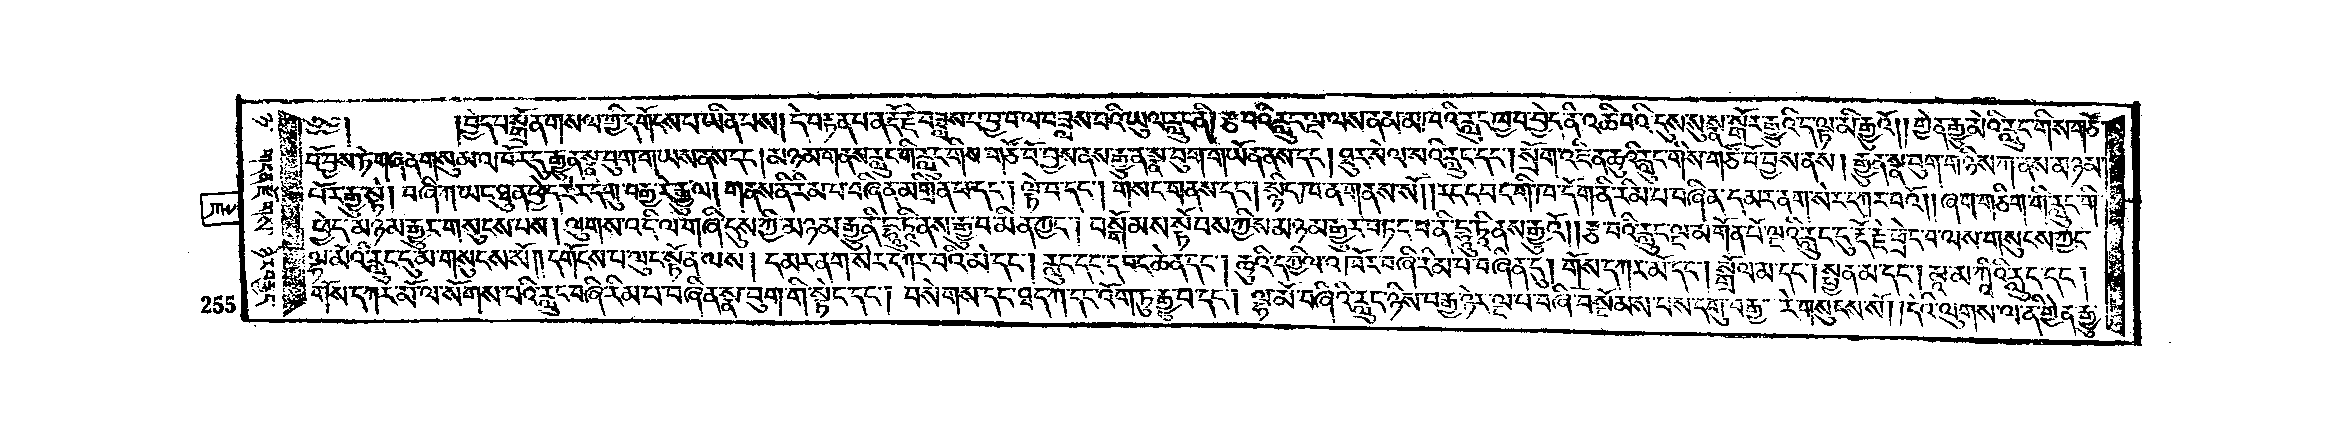༄༅། །བྱེད་པ་སྒྲོན་གསལ་གྱི་དགོངས་པ་ཡིན་པས། དེ་བརྟན་པ་ན་རྡོ་རྗེ་བཟླས་པ་བྱ་བ་ལ་བཟླས་པའི་ཡུལ་རླུང་ནི། རྩ་བའི་རླུང་ལྔ་ལས་ནམ་མཁའི་རླུང་ཁྱབ་བྱེད་ནི་འཆི་བའི་དུས་སུ་སྣ་སྒོར་རྒྱུའི་དེ་ལྟ་མི་རྒྱུའོ། །གྱེན་རྒྱུ་མེའི་རླུང་གིས་གཙོ་
བོ་བྱས་ཏེ་གཞན་གསུམ་འཁོར་དུ་རྒྱུན་སྣ་བུག་གཡས་ནས་དང་། མཉམ་གནས་རླུང་གི་རླུང་གིས་གཙོ་བོ་བྱས་ནས་རྒྱུ་ན་སྣ་བུག་གཡོན་ནས་དང་། ཐུར་སེལ་སའི་རླུང་དང་། སྲོག་འཛིན་ཆུའི་རླུང་གིས་གཙོ་བོ་བྱས་ནས། རྒྱུན་སྣ་བུག་གཉིས་ཀ་ནས་མཉམ་
པོར་རྒྱུ་སྟེ། བཞི་ཀ་ཡང་ཐུན་ཕྱེད་རེར་དགུ་བརྒྱ་རེ་རྒྱུ་ལ། གནས་ནི་རིམ་པ་བཞིན་མགྲིན་པ་དང་། ལྟེ་བ་དང་། གསང་གནས་དང་། སྙིང་ཁ་ན་གནས་སོ། །རང་དབང་གི་ཁ་དོག་ནི་རིམ་པ་བཞིན་དམར་ནག་སེར་དཀར་བའོ། །ཞག་གཅིག་གི་རླུང་གི་
ཕྱེད་མཉམ་རྒྱུར་གསུངས་པས། ལུགས་འདི་ལ་གཞི་དུས་ཀྱི་མཉམ་རྒྱུ་ནི་དྷཱུ་ཏཱི་ནས་རྒྱུ་བ་མིན་ཀྱང་། བསྒོམས་སྟོབས་ཀྱིས་མཉམ་རྒྱུར་བཏང་བ་ནི་དྷཱུ་ཏཱི་ནས་རྒྱུའོ། །རྩ་བའི་རླུང་ལྔ་མགོན་པོ་ལྔའི་རླུང་དུ་རྡོ་རྗེ་ཕྲེང་བ་ལས་གསུངས་ཀྱང་
ལྷ་མོའི་རླུང་དུ་མ་གསུངས་སོ། །དགོངས་པ་ལུང་སྟོན་ལས། དམར་ནག་སེར་དཀར་བའི་མེ་དང་། རླུང་དང་དབང་ཆེན་དང་། ཆུའི་དཀྱིལ་འཁོར་བཞི་རིམ་པ་བཞིན་དུ། གོས་དཀར་མོ་དང་། སྒྲོལ་མ་དང་། སྤྱན་མ་དང་། མཱ་མ་ཀཱིའི་རླུང་དང་།
གོས་དཀར་མོ་ལ་སོགས་པའི་རླུང་བཞི་རིམ་པ་བཞིན་སྣ་བུག་གི་སྟེང་དང་། བསེགས་དང་ཐད་ཀ་དང་འོག་ཏུ་རྒྱུ་བ་དང་། ལྷ་མོ་བཞིའི་རླུང་ཉིས་བརྒྱ་ཉེར་ལྔ་པ་བཞི་བསྡོམས་པས་དགུ་བརྒྱ་རེ་གསུངས་སོ། །དེའི་ལུགས་ལ་ནི་གྱེན་རྒྱུ་